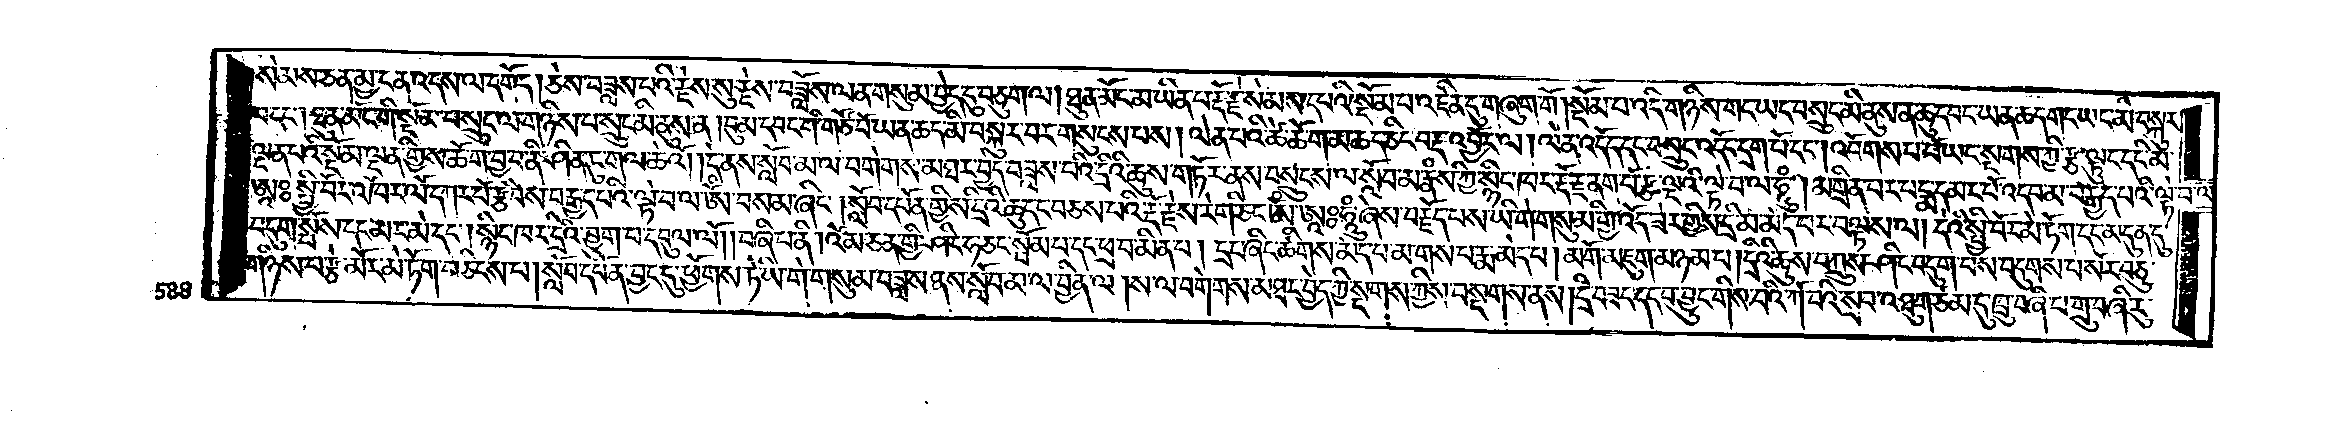སེམས་ཅན་མྱ་ངན་འདས་ལ་དགོད། ཅེས་བཟླས་པའི་རྗེས་སུ་རྗེས་བཟློས་ལན་གསུམ་བྱེད་དུ་བཅུག་ལ། ཐུན་མོང་མ་ཡིན་པ་རྡོ་རྗེ་སེམས་དཔའི་སྡོམ་པ་འཛིན་དུ་གཞུག་གོ །སྡོམ་པ་འདི་གཉིས་གང་ཡང་བསྲུང་མི་ནུས་ན་ཆུ་དབང་ཡན་ཆད་གང་ཡང་མི་བསྐུར་
བ་དང་། ཐུན་མོང་གི་སྡོམ་པ་སྲུང་ལ་གཉིས་པ་སྲུང་མི་ནུས་ན། བུམ་དབང་གི་གཙོ་བོ་ཡན་ཆད་མི་བསྐུར་བར་གསུངས་པས། ལེན་པའི་ཚེ་ཆོ་ག་མ་ཆད་ཅིང་བརྡ་འབྱོར་ལ། ལེན་འདོད་དང་བསྲུང་འདོད་དྲག་པོ་དང་། འབོགས་པ་པོ་ཡང་སྔགས་ཀྱི་རྩ་ལྟུང་དང་མི་
ལྡན་པའི་སྡོམ་ལྡན་གྱིས་ཆོ་ག་བྱ་བ་ནི་ཤིན་ཏུ་གལ་ཆེའོ། །དེ་ནས་སློབ་མ་ལ་བགེགས་མཐར་བྱེད་བཟླས་པའི་དྲིའི་ཆུས་གཏོར་ནས་བསྲུངས་ལ་སློབ་མ་རྣམས་ཀྱི་སྙིང་ཁར་རྡོ་རྗེ་ནག་པོ་རྩ་ལྔའི་ལྟེ་བ་ལ་ཧཱུཾ། མགྲིན་པར་པདམ་དམར་པོ་འདབ་མ་བརྒྱད་པའི་ལྟེ་བ་ལ་
ཨཱཿ སྤྱི་བོར་འཁོར་ལོ་དཀར་པོ་རྩིབས་བརྒྱད་པའི་ལྟེ་བ་ལ་ཨོཾ་བསམ་ཞིང་། སློབ་དཔོན་གྱིས་དྲིའི་ཆུ་དང་བཅས་པའི་རྡོ་རྗེས་རེག་ཅིང་ཨོཾ་ཨཱཿ ཧཱུཾ་ཞེས་བརྗོད་པས་ཡི་གེ་གསུམ་གྱི་འོད་ཟེར་གྱིས་དྲི་མ་མེད་པར་བལྟས་ལ། དེའི་སྤྱི་བོར་མེ་ཏོག་དང་མདུན་དུ་
བདུག་སྤོས་དང་མར་མེ་དང་། སྙིང་ཁར་དྲིའི་བྱུག་པ་དབུལ་ལོ། །བཞི་པ་ནི། འོ་མ་ཅན་གྱི་ཤིང་ཧ་ཅང་སྦོམ་པ་དང་ཕྲ་བ་མིན་པ། དྲང་ཞིང་ཚིགས་མེད་པ་མ་གས་པ་རྨ་མེད་པ། མགོ་མཇུག་མཉམ་པ། དྲིའི་ཆུས་བཀྲུས་ཤིང་བདུག་པས་བདུགས་པ་སོར་བཅུ་
གཉིས་པ་རྩེ་མོར་མེ་ཏོག་བཅིངས་པ། སློབ་དཔོན་བྱང་དུ་ཕྱོགས་ཏེ་ཡི་གེ་གསུམ་བཟླས་ནས་སློབ་མ་ལ་བྱིན་ལ། ས་ལ་བགེགས་མཐར་བྱེད་ཀྱི་སྔགས་ཀྱིས་བསྔགས་ནས། དྲི་བཟང་དང་བ་བྱུང་གིས་བའི་ཀོ་བའི་སྲབ་འཐུག་ཙམ་དུ་ཁྲུ་བཞི་པ་གྲུ་བཞི་རུ་